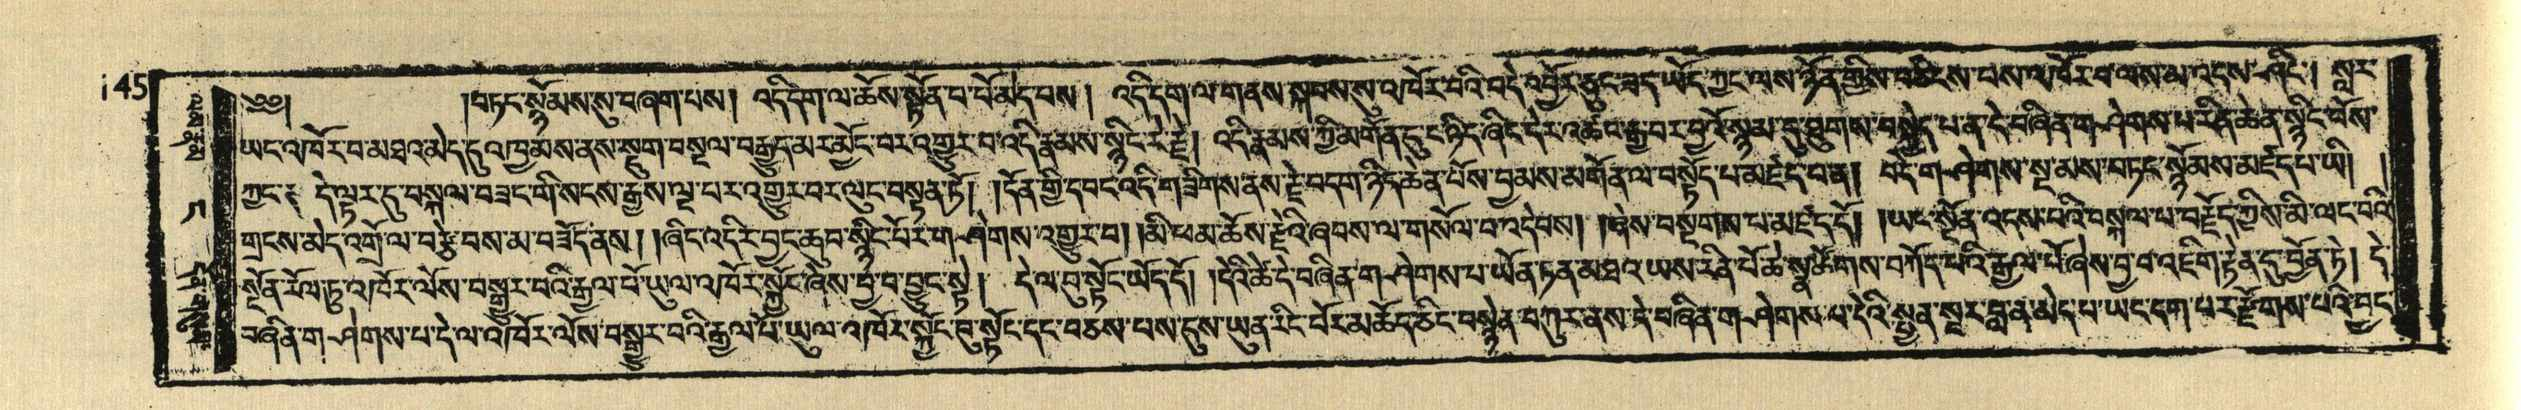༄༅། །བཏང་སྙོམས་སུ་བཞག་པས། འདི་དག་ལ་ཆོས་སྟོན་པ་པོ་མེད་པས། འདི་དག་ལ་གནས་སྐབས་སུ་འཁོར་བའི་བདེ་འབྱོར་ཅུང་ཟད་ཡོད་ཀྱང་ལས་ཉོན་གྱིས་བཅིངས་པས་འཁོར་བ་ལས་མ་འདས་ཤིང་། སླར་
ཡང་འཁོར་བ་མཐའ་མེད་དུ་འཁྱམས་ནས་སྡུག་བསྔལ་བརྒྱུད་མར་མྱོང་བར་འགྱུར་བ་འདི་རྣམས་སྙིང་རེ་རྗེ། འདི་རྣམས་ཀྱི་མགོན་དུ་ང་ཉིད་ཞིང་དེར་འཚའ་རྒྱ་བར་བྱའོ་སྙམ་དུ་ཐུགས་བསྐྱེད་པ་ན་དེ་བཞིན་གཤེགས་པ་རིན་ཆེན་སྙིང་བོས་
ཀྱང༑ དེ་ལྟར་དུ་བསྐལ་བཟང་གི་སངས་རྒྱས་ལྔ་པར་འགྱུར་བར་ལུང་བསྟན་ཏོ། །དོན་གྱི་དབང་འདི་གཟིགས་ནས་རྗེ་བདག་ཉིད་ཆེན་པོས་བྱམས་མགོན་ལ་བསྟོད་པ་མཛད་བ་ན། བདེ་གཤེགས་སྔ་མས་བཏང་སྙོམས་མཛད་པ་ཡི། །
གྲངས་མེད་འགྲོ་ལ་བརྩེ་བས་མ་བཟོད་ནས། །ཞིང་འདིར་བྱང་ཆུབ་སྙིང་པོར་གཤེགས་འགྱུར་བ། །མི་ཕམ་ཆོས་རྗེའི་ཞབས་ལ་གསོལ་བ་འདེབས། །ཞེས་བསྔགས་པ་མཛད་དོ། །ཡང་སྔོན་འདས་པའི་བསྐལ་པ་བརྗོད་ཀྱིས་མི་ལང་བའི་
སྔོན་རོལ་ཏུ་འཁོར་ལོས་བསྒྱུར་བའི་རྒྱལ་པོ་ཡུལ་འཁོར་སྐྱོང་ཞེས་བྱ་བ་བྱུང་སྟེ། དེ་ལ་བུ་སྟོང་ཡོད་དོ། །དེའི་ཚེ་དེ་བཞིན་གཤེགས་པ་ཡོན་ཏན་མཐའ་ཡས་རིན་པོ་ཆེ་སྣ་ཚོགས་བཀོད་པའི་རྒྱལ་པོ་ཞེས་བྱ་བ་འཇིག་རྟེན་དུ་བྱོན་ཏེ། དེ་
བཞིན་གཤེགས་པ་དེ་ལ་འཁོར་ལོས་བསྒྱུར་བའི་རྒྱལ་པོ་ཡུལ་འཁོར་སྐྱོང་བུ་སྟོང་དང་བཅས་པས་དུས་ཡུན་རིང་བོར་མཆོད་ཅིང་བསྙེན་བཀུར་ནས་དེ་བཞིན་གཤེགས་པ་དེའི་སྤྱན་སྔར་བླ་ན་མེད་པ་ཡང་དག་པར་རྫོགས་པའི་བྱང་